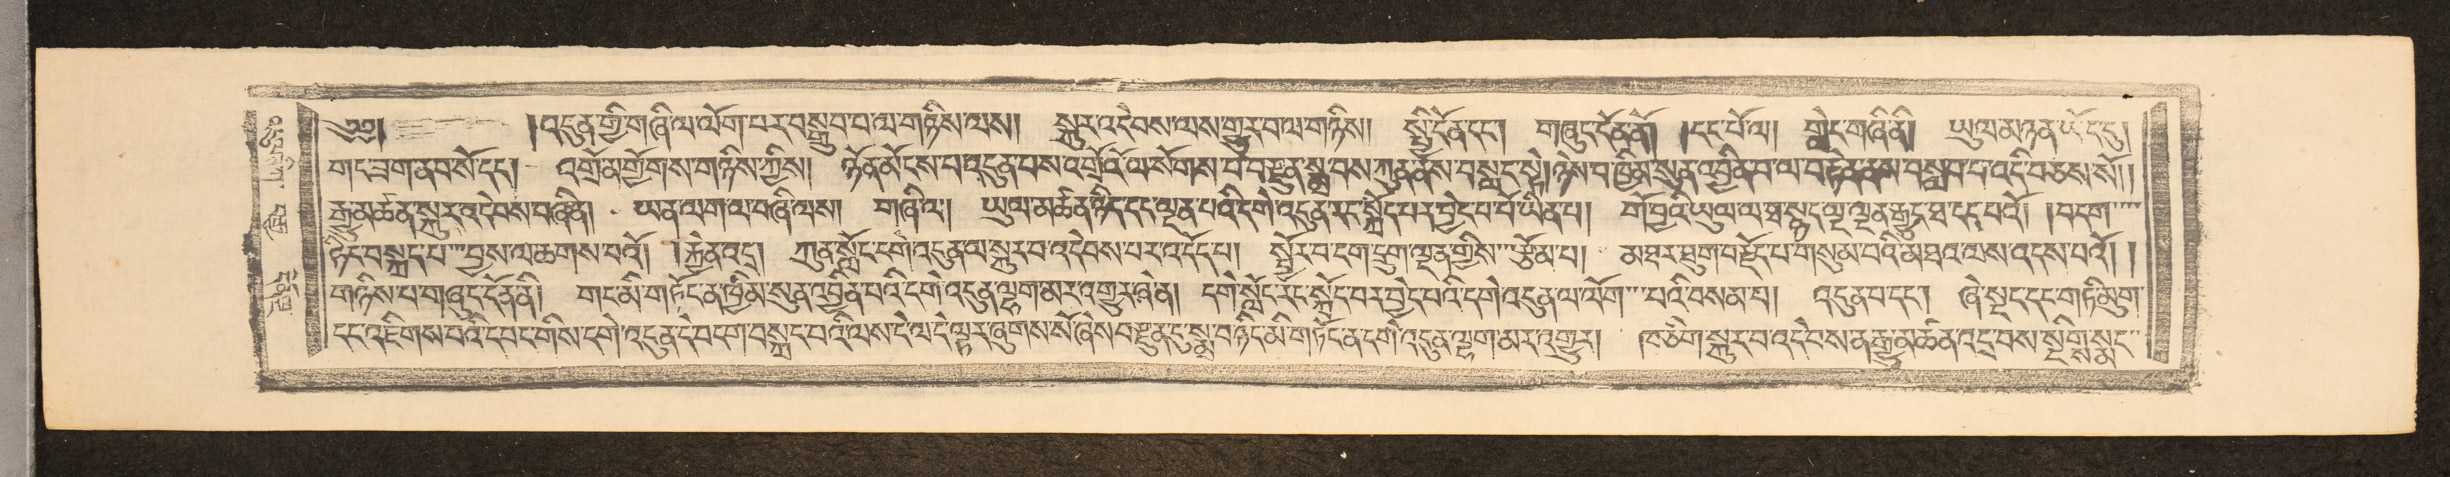༄༅། །འདུན་གྱི་གཞི་ལ་ལོག་པར་བསྒྲུབ་པ་ལ་གཉིས་ལས། སྐུར་འདེབས་ལས་གྱུར་བ་ལ་གཉིས། སྤྱི་དོན་དང་། གཞུང་དོན་ནོ། །དང་པོ་ལ། གླེང་གཞི་ནི། ཡུལ་མཉན་ཡོད་དུ།
གང་ཟག་ནབ་སོ་དང་། འགྲོ་མགྱོགས་གཉིས་ཀྱིས། ཉོན་མོངས་པ་འདུན་པས་འགྲོའོ་ལ་སོགས་པ་བརྫུན་སྨྲ་བས་ཀུན་ནས་བསླང་སྟེ། ཉེས་པ་ཁྱིམ་སུན་འབྱིན་པ་ལ་བརྟེན་ནས་བསླབ་པ་འདི་བཅས་སོ།།
རྒྱུ་མཚན་སྐུར་འདེབས་བཞིན། ཡན་ལག་ལ་བཞི་ལས། གཞི་ལ། ཡུལ་མཚན་ཉིད་དང་ལྡན་པའི་དགེ་འདུན་རང་སྐྲོད་པར་བྱེད་པ་པོ་ཡིན་པ། གོ་བྱའི་ཡུལ་ལ་ཐ་སྙད་ལྔ་ལྡན་རྒྱུད་ཐ་དད་པའོ། །བདག་
ཉིད་བསྐྲད་བ་བྱས་ལ་ཆགས་པའོ། །རྐྱེན་འདྲ། ཀུན་སློང་དགེ་འདུན་ལ་སྐུར་བ་འདེབས་པར་འདོད་པ། སྦྱོར་བ་དག་དྲུག་ལྡན་གྱིས་རྩོམ་པ། མཐར་ཐུག་བརྗོད་པ་གསུམ་པའི་མཐའ་ལས་འདས་པའོ། །
གཉིས་པ་གཞུང་དོན་ནི། གང་མི་གཏོང་ན་ཁྱིམ་སུན་འབྱིན་པའི་དགེ་འདུན་ལྷག་མར་འགྱུར་ཞེ་ན། དགེ་སློང་རང་སྐྲོད་པར་བྱེད་པའི་དགེ་འདུན་ལ་ལོག་པའི་བསམ་པ། འདུན་པ་དང་། ཞེ་སྡང་དང་གཏི་མུག་
དང་འཇིགས་པའི་དབང་གིས་དགེ་འདུན་དེ་བདག་བསྐྲད་པའི་ལས་དེ་ལ་དེ་ལྟར་ཞུགས་སོ་ཞེས་བརྫུན་དུ་སྨྲ་བ་ཉིད་མི་གཏོང་ན་དགེ་འདུན་ལྷག་མར་འགྱུར། ཁ་ཅིག་སྐུར་བ་འདེབས་ན་རྒྱུ་མཚན་འདྲ་བས་སྡིགས་སྨད་